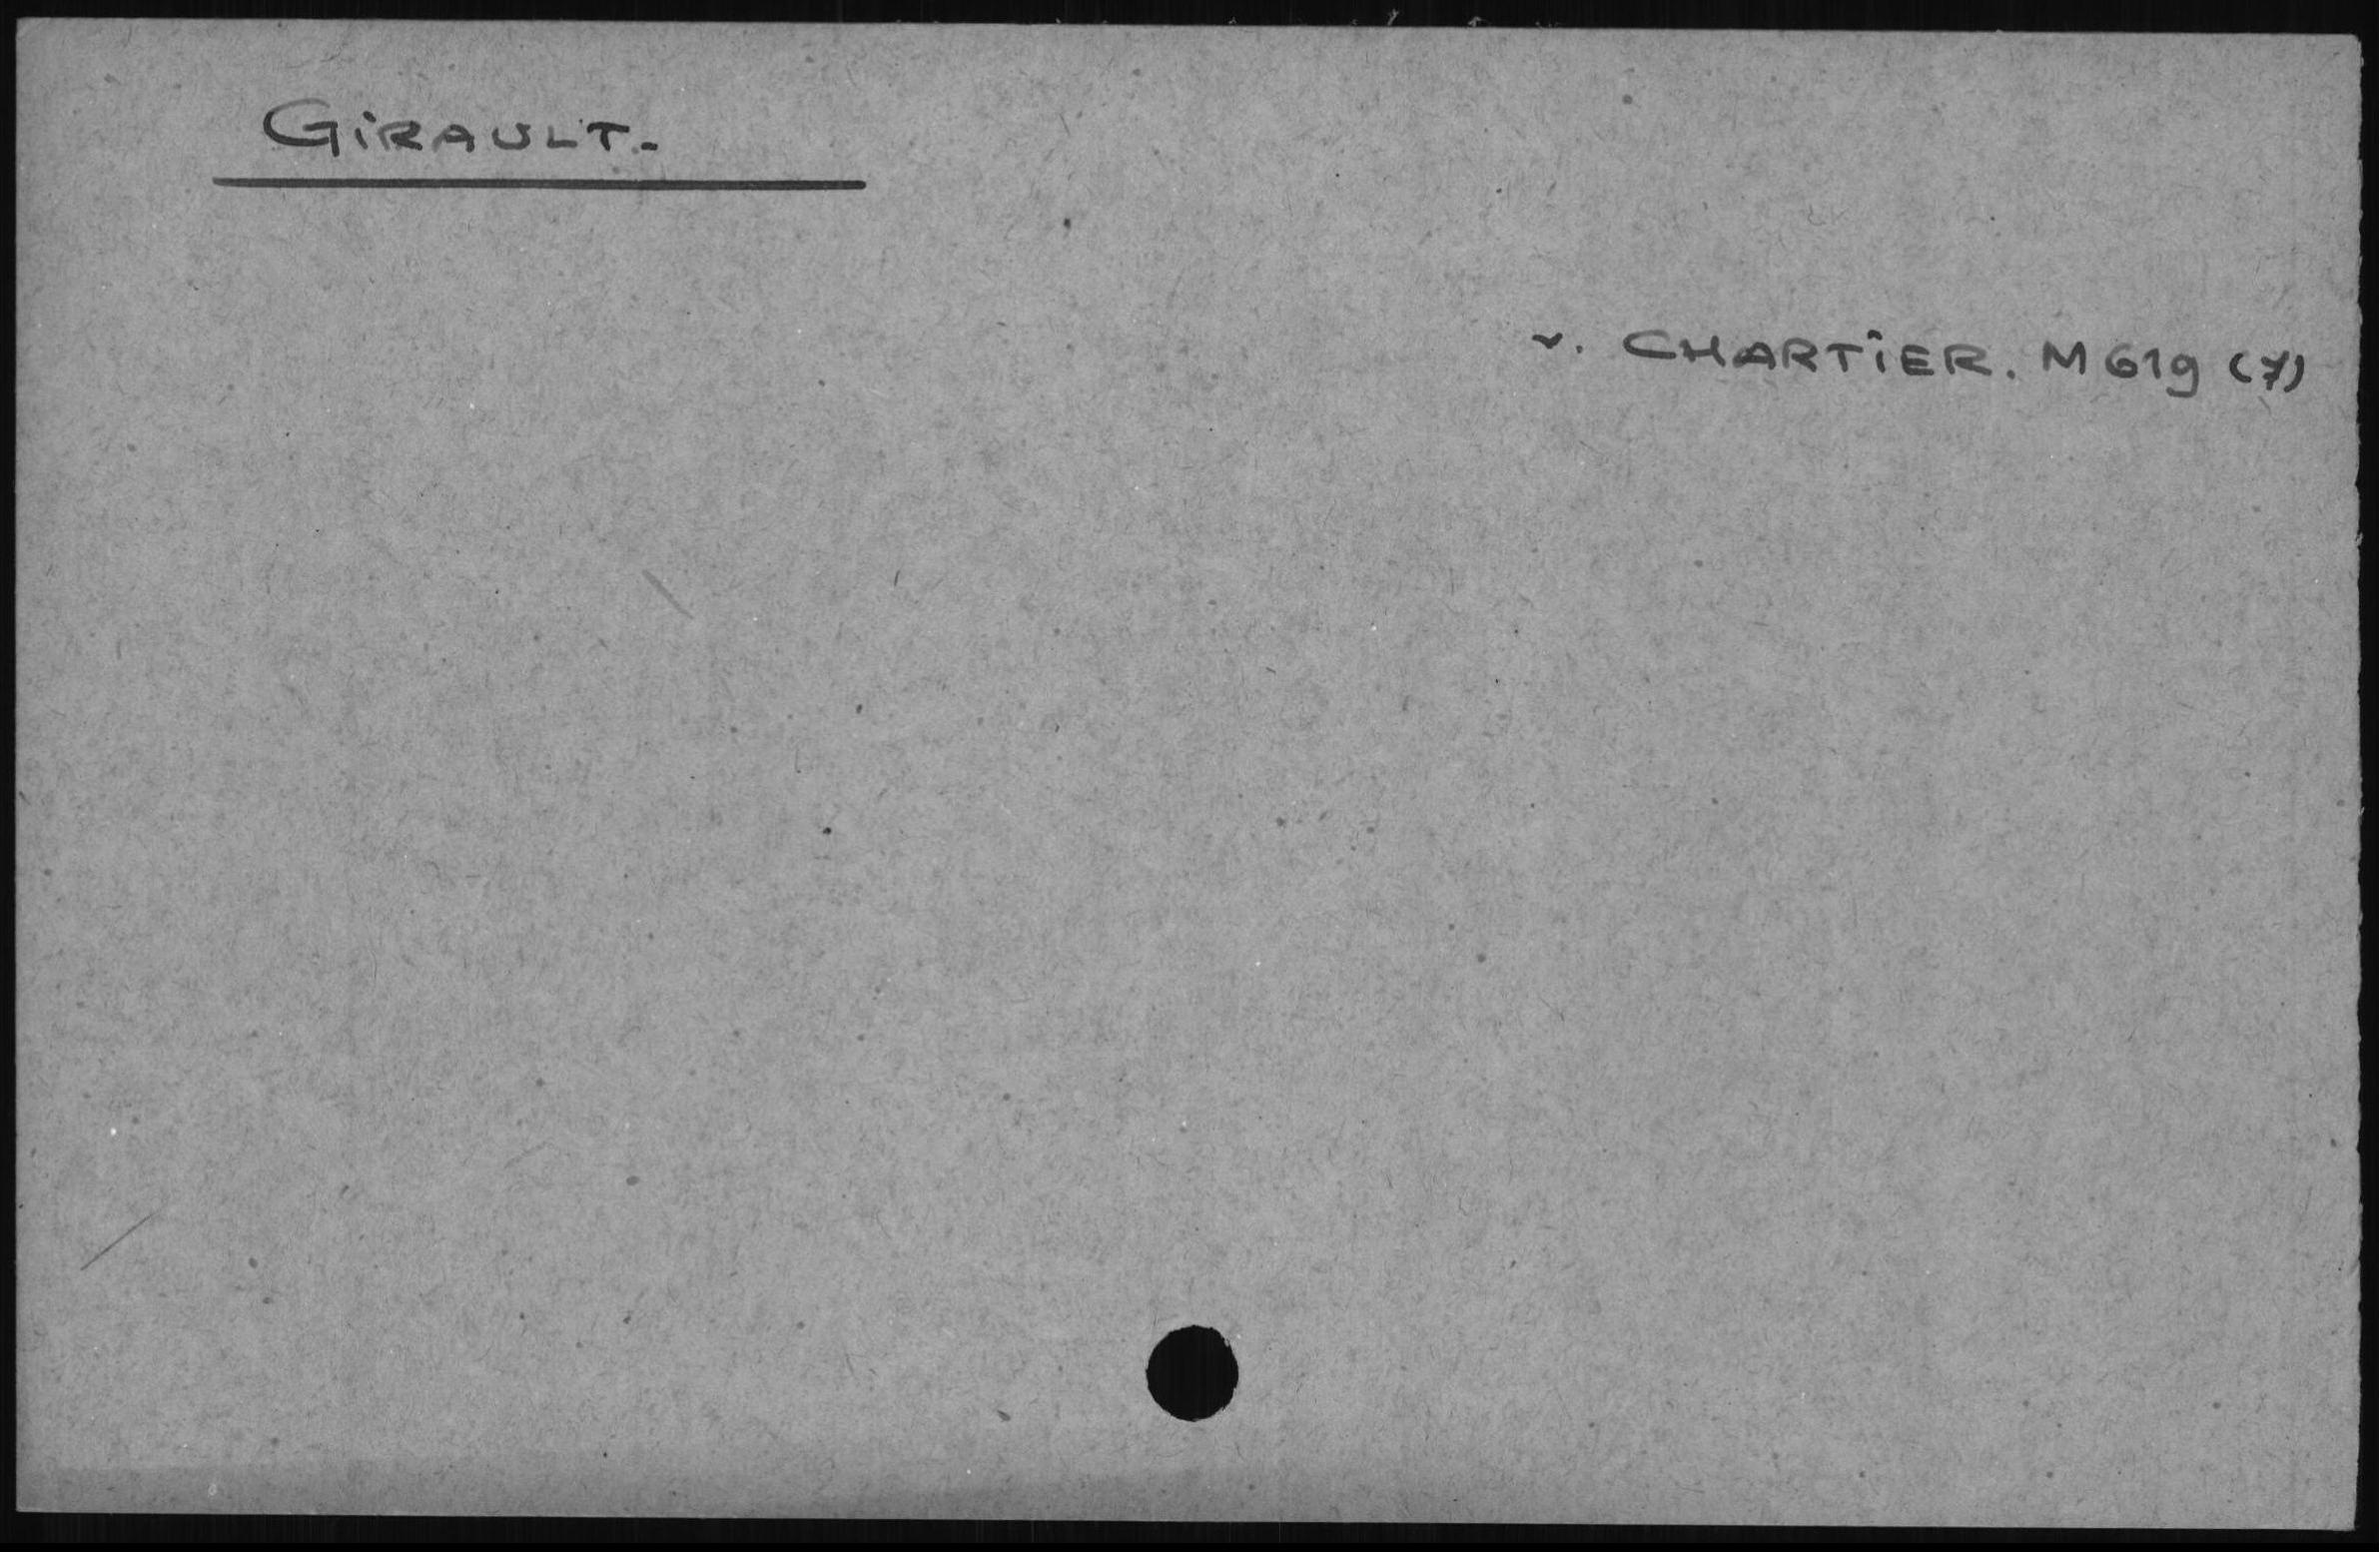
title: GIRAULT.
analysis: voir : CHARTIER.
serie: M
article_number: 619
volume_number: (7)
